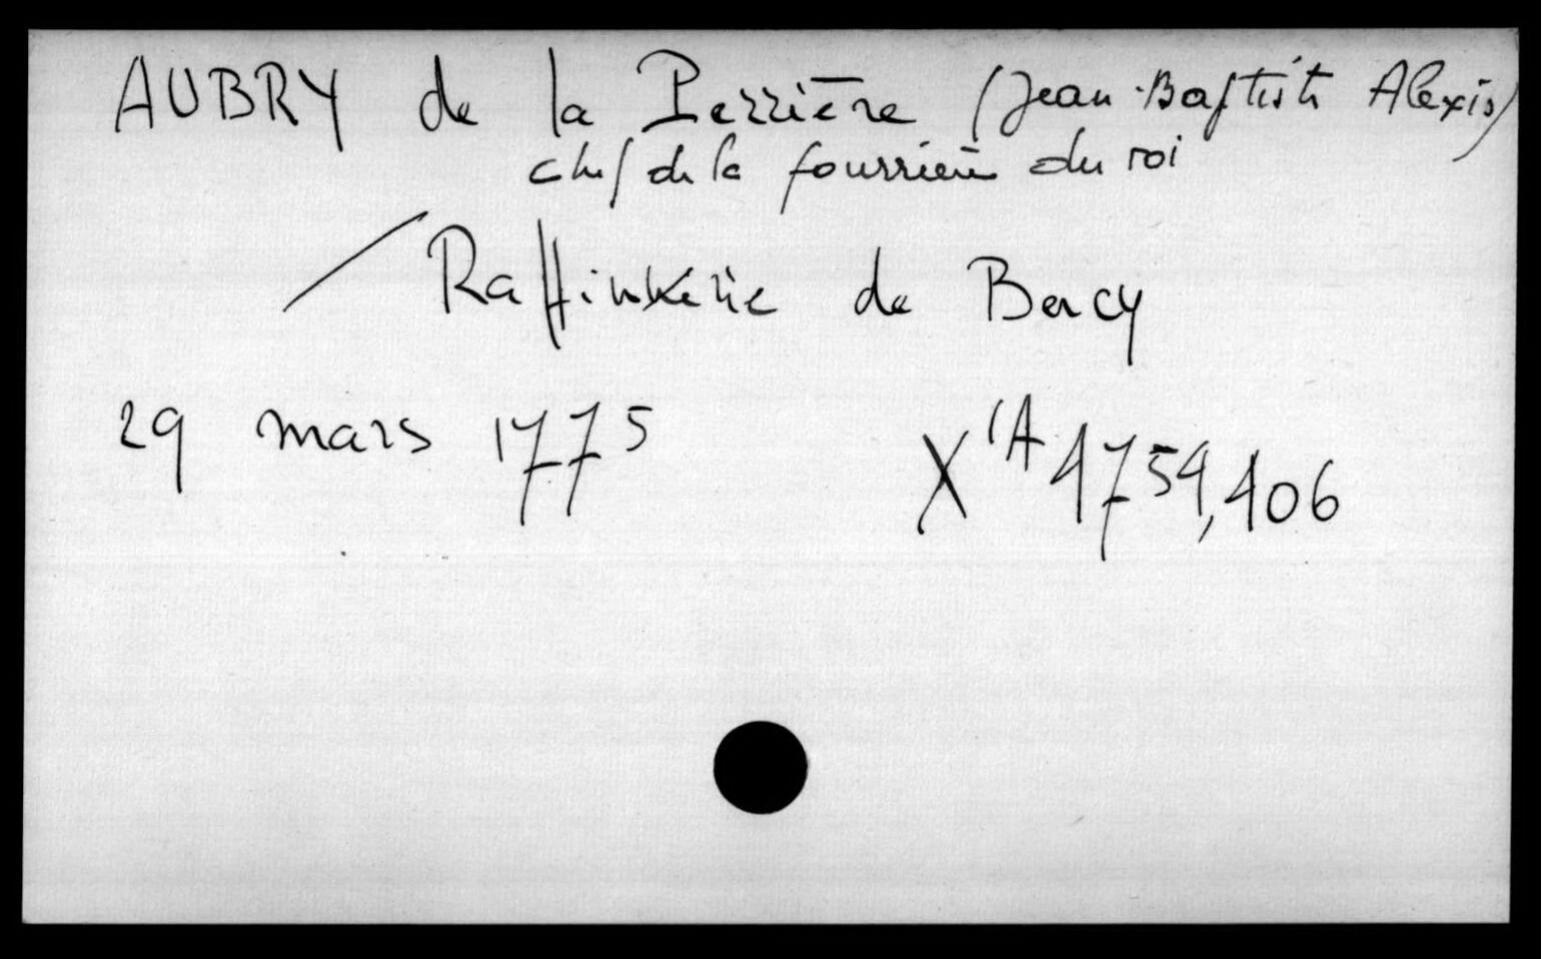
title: AUBRY de la Perrière (Jean-Baptiste Alexis) chef de la fourrière du roi
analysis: Contre Raffinerie de Bercy
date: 29 mars 1775
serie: X1A
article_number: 4754
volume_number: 406
